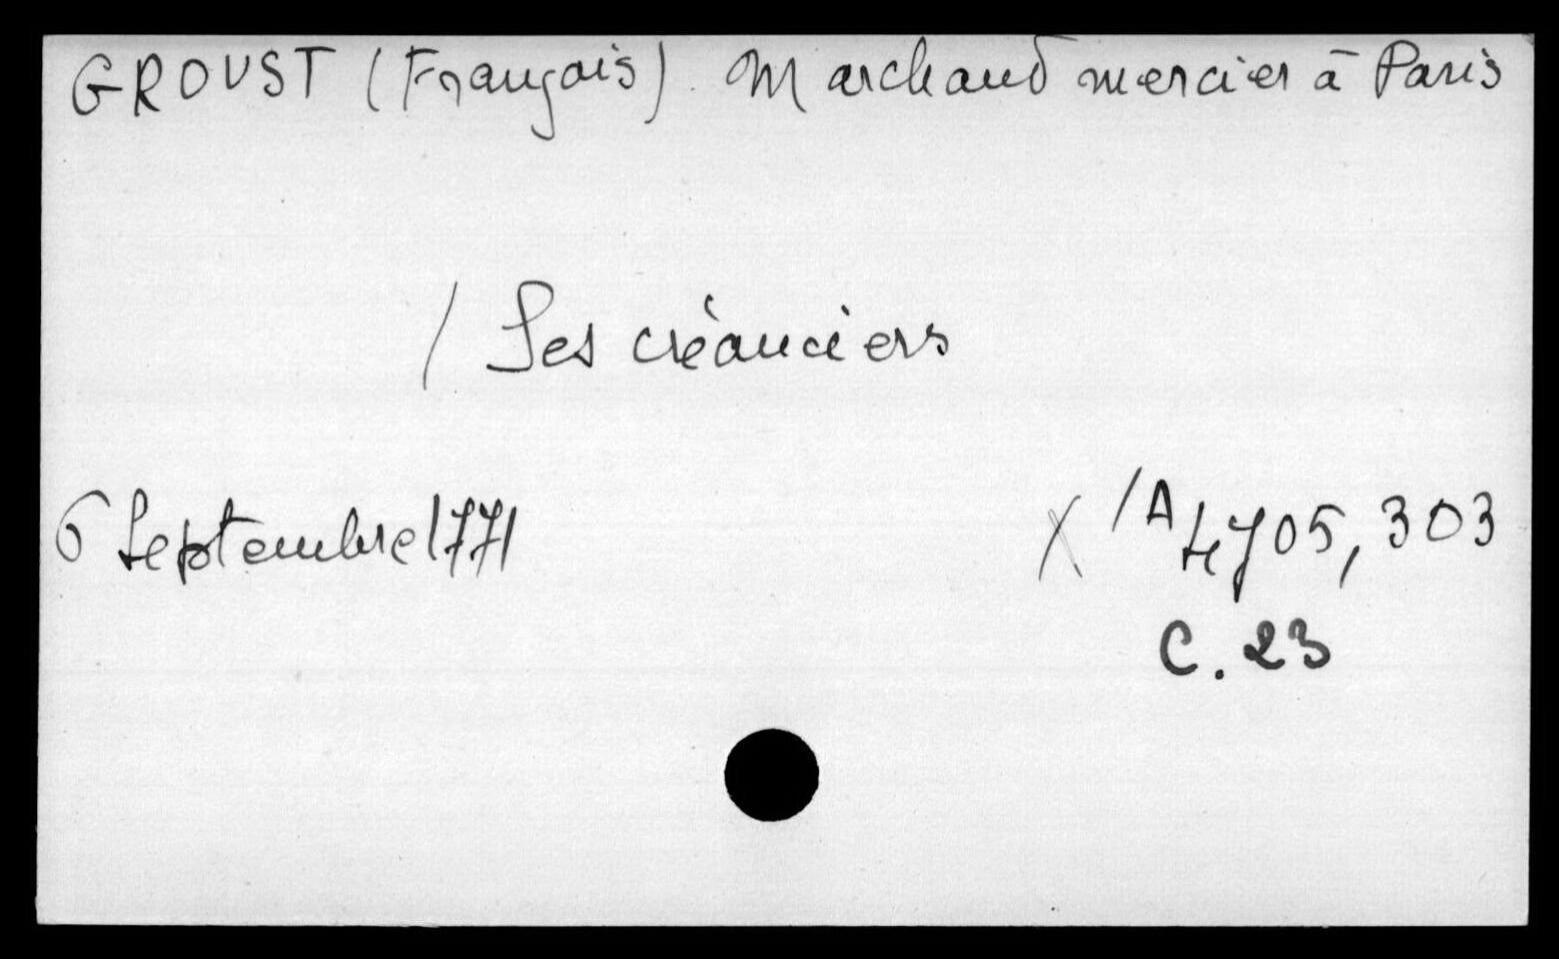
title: GROUST (François), marchand mercier à Paris
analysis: Contre ses créanciers
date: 6 septembre 1771
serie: X1A
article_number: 4705
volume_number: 303
